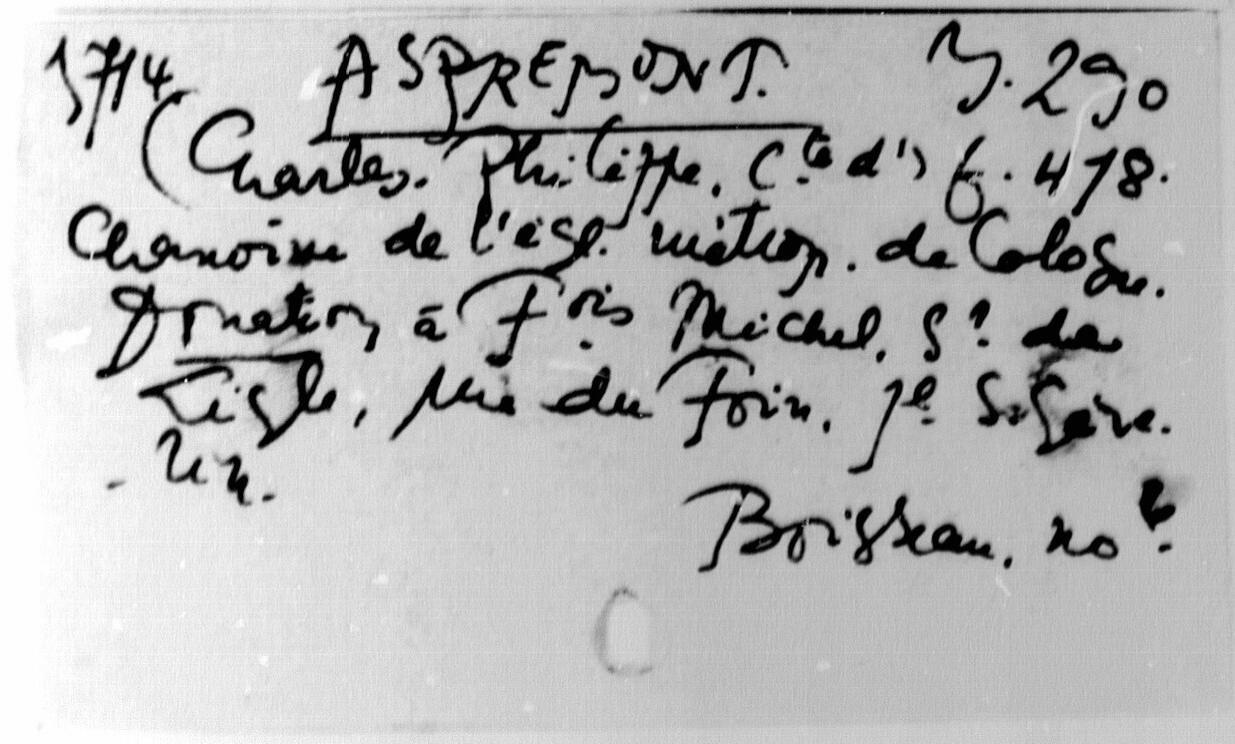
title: ASPREMONT (Charles-Philippe, comte d')
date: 1714
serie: Y
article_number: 290
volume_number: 418
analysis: Chanoine de l'église métropolitaine de Cologne. Donation à François Michel, seigneur de L'Isle, rue du Foin, paroisse Saint-Sèverin. Boisseau, notaire.
